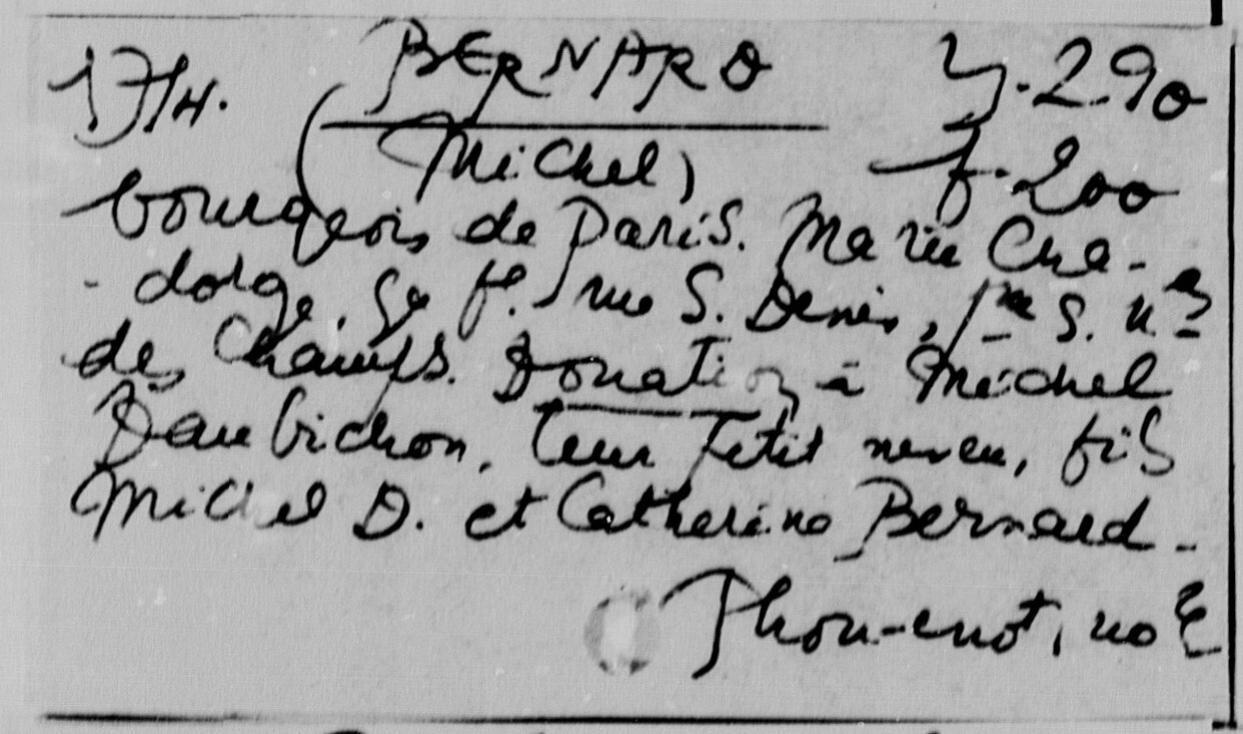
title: BERNARD (Michel)
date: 1714
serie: Y
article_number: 290
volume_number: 200
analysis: Bourgeois de Paris, Marie Chadorge, sa femme, rue Saint Denis, paroisse Saint-Nicolas des Champs. Donation à Michel Daubichon, leur petit neveu, fils Michel D. et Catherine Bernard. Thouvenot, notaire
